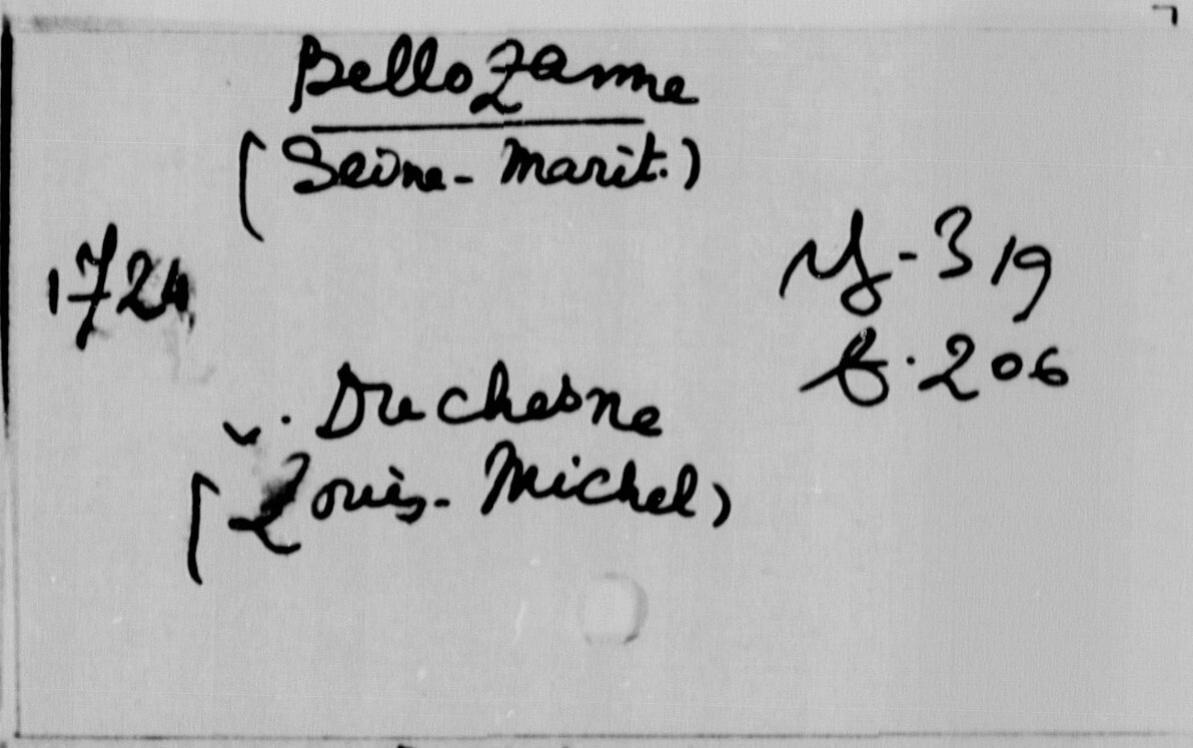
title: BELLOZAME (Seine-Maritime)
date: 1724
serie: Y
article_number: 319
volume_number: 206
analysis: Voir Duchesne (Louis-Michel)
